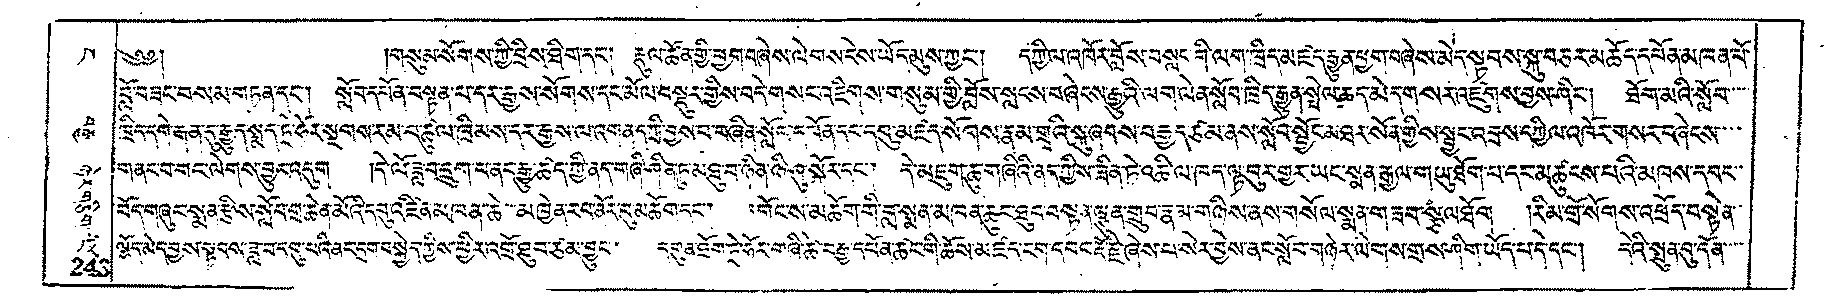༄༅། །གསུམ་སོགས་ཀྱི་བྲིས་ཐིག་དང་། རྡུལ་ཚོན་གྱི་ཕྱག་བཞེས་ལེགས་ངེས་ཡོད་མུས་ཀྱང་། དཀྱིལ་འཁོར་བློས་བསླང་གི་ལག་ཁྲིད་མཛད་རྒྱུན་ཕྱག་བཞེས་མེད་སྟབས་སྐུ་བཅར་མཆོད་དཔོན་མཁན་པོ་
བློ་བཟང་བསམ་གཏན་དང་། སློབ་དཔོན་བསྟན་པ་དར་རྒྱས་སོགས་དང་མོལ་བསྡུར་གྱིས་བདེ་གསང་འཇིགས་གསུམ་གྱི་བློས་སླངས་བཞེངས་རྒྱུའི་ལག་ལེན་སློབ་ཁྲིད་རྒྱུན་སྤེལ་ཆད་མེད་གསར་འཛུགས་བྱས་ཤིང་། ཐོག་མའི་སློབ་
ཁྲིད་དགེ་རྒན་དུ་རྒྱུད་སྨད་ཏྲེ་ཧོར་སྔགས་རམ་པ་ཚུལ་ཁྲིམས་དར་རྒྱས་ལ་འགན་དཀྲི་བྱས་པ་གཞིན་སློབ་དཔོན་དང་དབུ་མཛད་སོགས་རྣམ་གྲྭའི་སྐུ་ཞབས་བརྒྱད་ཙམ་ནས་སློབ་སྦྱོང་མཐར་སོན་གྱིས་སྦྱང་འབྲས་དཀྱིལ་འཁོར་གསར་བཞེངས་
གནང་བ་གང་ལེགས་བྱུང་འདུག །དེ་ལོ་ཟླ་བ་དྲུག་པ་ནང་རྒྱུ་ཚད་ཀྱི་ནད་གཞི་ཤིན་ཏུ་མཐུ་བ་ཉིན་ཉི་ཤུ་སྐོར་དང་། དེ་མཇུག་ཆུ་གཞིའི་ནད་ཀྱིས་ཟིན་ཏེ་འཆིལ་ཁད་ལྟ་བུར་གྱར་ཡང་སྨན་རྒྱལ་གཡུ་ཐོག་པ་དང་མཚུངས་པའི་མཁས་དབང་
བོད་གཞུང་སྨན་རྩིས་སློབ་གྲ་ཆེན་མོའི་དབུ་འཛིན་མཁན་ཆེ་མཁྱེན་རབ་ནོར་བུ་མཆོག་དང་། ༧གོང་ས་མཆོག་གི་བླ་སྨན་མཁན་ཆུང་ཐུབ་བསྟན་ལྷུན་གྲུབ་རྣམ་གཉིས་ནས་གསོལ་སྨན་གཟབ་སྩལ་ཐོག །རིམ་གྲོ་སོགས་འཕྲོད་བསྟེན་
ལྷོད་མེད་བྱས་སྟབས་ཟླ་བ་དགུ་པའི་ནང་དྲག་བསྐྱེད་ཀྱིས་ཕྱིར་འགྲོ་ཐུབ་ཙམ་བྱུང་། དགུན་ཐོག་ཏྲེ་ཧོར་གཞི་ཚེ་བརྒྱ་དཔོན་ཚང་གི་ཆོས་མཛད་ངག་དབང་རྡོ་རྗེ་ཞེས་པ་སེར་བྱེས་ནང་སློབ་གཉེར་ལེགས་གྲས་ཤིག་ཡོད་པ་དེ་དང་། དེའི་སྤུན་བུ་དོན་